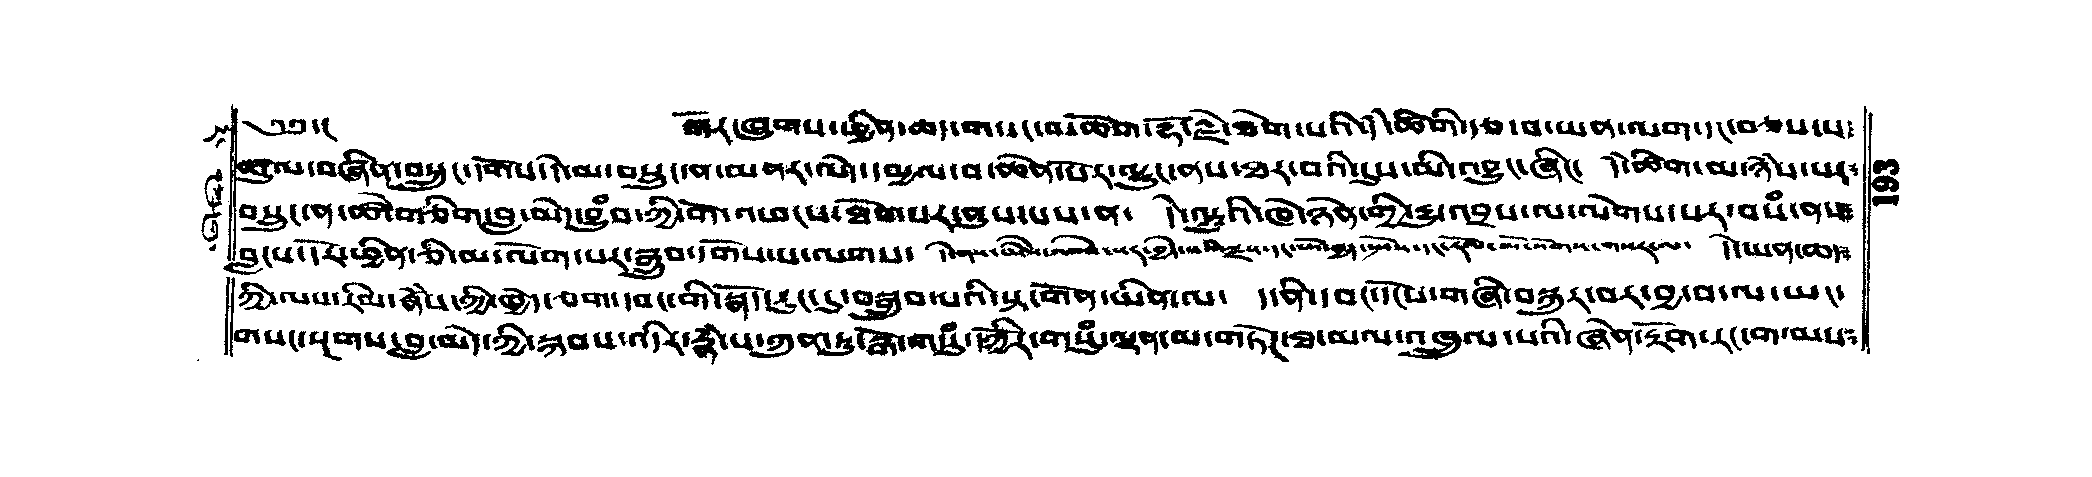སྒོར་ཞུགས་ཕྱིན་ཆད་གསང་མཆོག་རྡོ་རྗེ་ཐེག་པའི་དམ་ཚིག་གི་རྩ་བ་ཡན་ལག་དང་བཅས་པ་
ཚུལ་བཞིན་བསྲུང་དགོས་དེ་མ་བསྲུང་ན་མནར་མེད་དམྱལ་བ་ཆེན་པོར་ལྷུང་ནས་ཐར་བའི་དུས་མི་འབྱུང་ཞིང་། དམ་ཚིག་མ་ཉམས་པར་
བསྲུང་ན་ཚེ་གཅིག་བླ་མེད་བྱང་ཆུབ་ཀྱི་གོ་འཕང་ཐོག་པར་ནུས་པས་ན། དེ་ལྟ་བུའི་ཁེ་ཉེན་གྱི་རྒྱུ་འབྲས་ལ་ལེགས་པར་བསམ་ནས། 
བླངས་དོར་ཕྱིན་ཅི་མ་ལོག་པར་སྒྲུབ་དོགས་པ་ལགས། དེ་ནས་ཡེ་ཤེས་འབེབ་པར་བྱེད་པའི་རྫས་དང་ཡོ་བྱད་སྤོས་དང་རོལ་མོ་སོགས་གསར་ལ། དེ་ཡན་ཆད་
ཀྱི་ལས་རིམ་རྣམས་ཀྱི་ཁྱེད་ཅག་དབང་གི་སྣོད་རུང་དུ་བསྒྲུབ་པའི་སྟ་གོན་ཡིན་ལ། ད་ནི་དབང་དངོས་གཞི་བསྐུར་བར་བྱ་བ་ལ་ཡང་
གསང་སྔགས་བླ་མེད་ཀྱི་སྐབས་འདིར་རྣམ་པ་ཀུན་རུ་སྒོ་གསུམ་དཀྱིལ་འཁོར་གསུམ་ལྡན་མ་གཏོགས་ཐ་མལ་འཁྲུལ་པའི་ཞེན་རྟོག་རང་ག་མས་